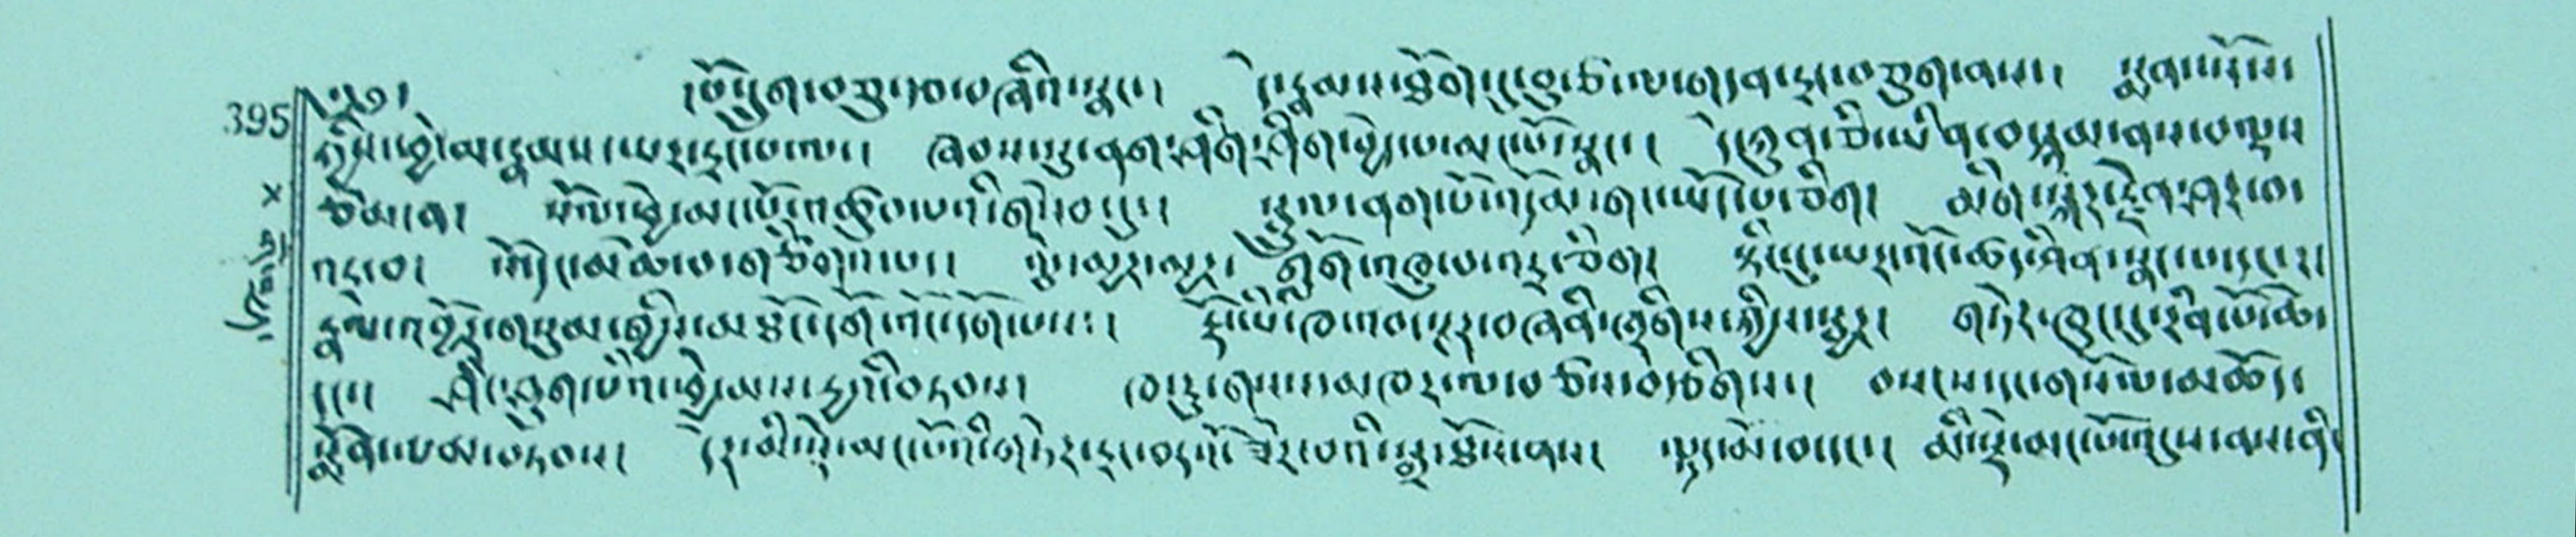༄༅། །པོ་དྲུག་བཅུ་རྩ་བཞི་སྣང་། དེ་རྣམས་ཐོག་ཏུ་བུ་ཚ་ལ་གདན་དྲངས་བཅུག་ནས། སྨན་སྤོས་
ཀྱི་ཕྱེ་མ་རྣམས་ཁ་ཡར་དྲང་པ་ལ། ཞབས་སུ་ནག་ཤིག་ཤིག་བྱེད་པ་མང་པོ་སྣང་། དེ་ཀུན་ཅི་ཡིན་བསྙམ་ནས་བལྟས་
ཙམ་ན། སོལ་ཕྱེ་མང་པོར་འཚུབ་པའི་གསེབ་ཏུ། སྦྲུལ་ནག་པོ་འདོམ་གང་ཡོད་པ་ཅིག། མིག་སྐར་རྗེན་ཤར་བ་
འདྲ་བ། སོ་དང་མཆེ་བ་གཙིགས་པ། ལྕེ་མྱར་མྱར་གློག་འགྱུ་བ་འདྲ་བ་ཅིག སྟེང་དུ་ཡར་འོང་ཚད་ཤིན་སྣང་བ་དང་། 
རྣལ་འབྱོར་གསུམ་གྱིས་མཐོང་འོང་དགོ་པས། རྡོ་ཡི་ཁ་འབ་སྔར་བཞིན་ཁྲིགས་ཀྱིས་སྦྱར། གཏེར་ཁུང་དུ་རིན་པོ་ཆེ་
དང་། ཤིང་ཤུག་པའི་ཕྱེ་མས་རྒྱ་ཡིས་བཏབ། ཁ་རུ་གསས་མཁར་ལ་བཙས་བརྩིགས། བསང་དང་གསོལ་མཆོད་
སྨོན་ལམ་བཏབ། དེར་མི་སྡེ་མང་པོའི་གཏེར་དྲང་བདའོ་ཟེར་བའི་སྒྲ་ཐོས་ནས། ལྟད་མོ་བ་དང་། མི་སྡེ་མང་པོ་འདུས་ནས་ནི།